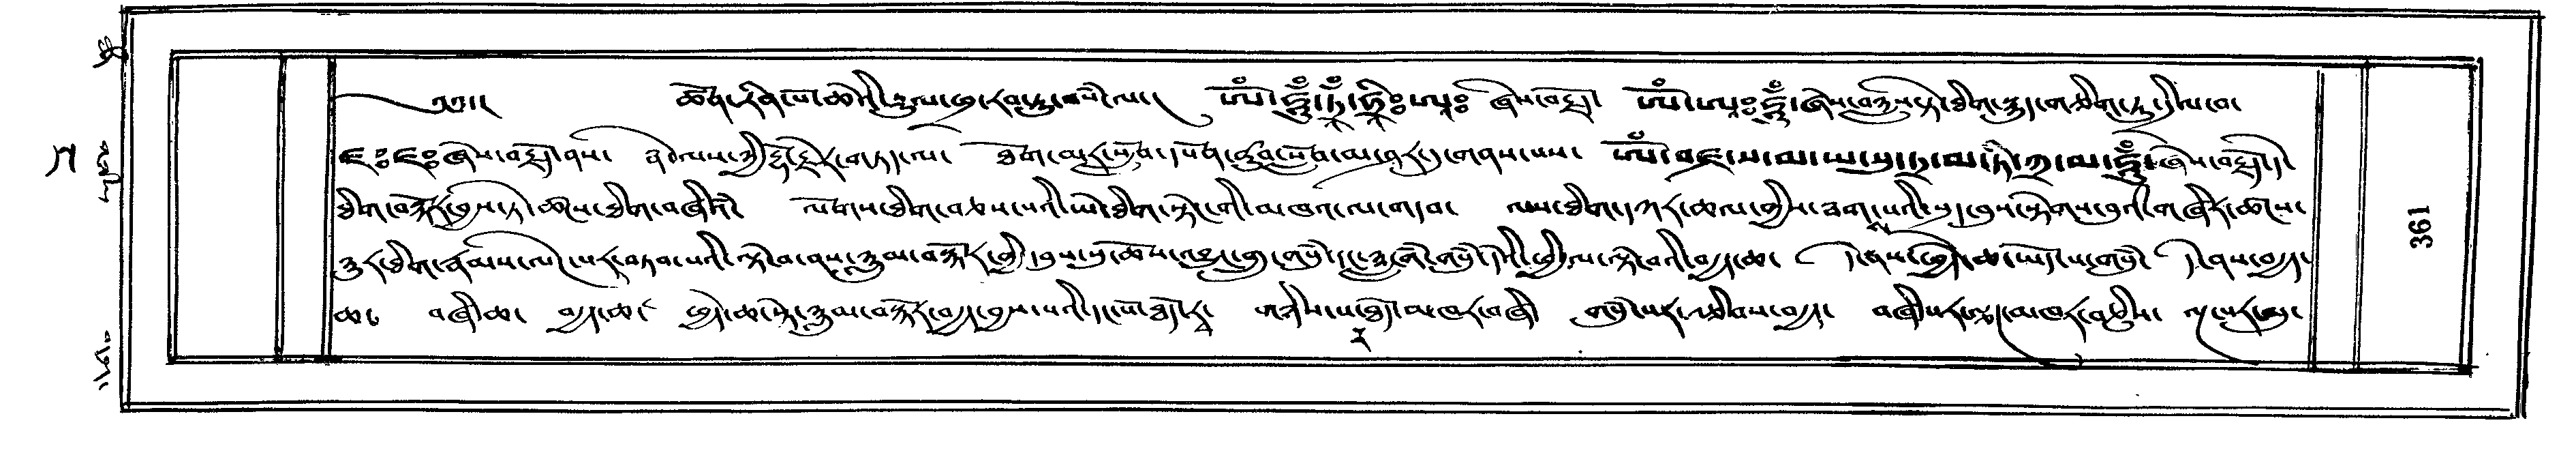ཚོན་རིན་པོ་ཆེའི་རྡུལ་ཕྲ་རབ་ཏུ་བསམ་ལ། ཨོཾ་ཧཱུྃ་ཏྲཱཾ་ཧྲཱི་ཨཱཿ ཞེས་བརྗོད། ཨོཾ་ཨཱཿཧཱུྃ། ཞེས་བཟླས་ཏེ་ཐིག་སྐུད་གཅིག་ཏུ་དྲིལ་བ ། 
ཛཿཛཿ ཞེས་བརྗོད་ནས། སྣེ་ལས་ཀྱི་རྡོ་རྗེར་གཏད་ལ། ཐོག་མར་སློབ་དཔོན་ནུབ་སློབ་མ་ཤར་དུ་གནས་པས། ཨོཾ་བཛྲ་ས་མ་ཡ་སུ་ཏྲ་མ་ཏི་ཀྲ་མ་ཧཱུྃ་ཞེས་བརྗོད། 
ཐིག་བསྐོར་བྱས་ཏེ་ཚངས་ཐིག་བཞིའམ། ལོགས་ཐིག་བཅས་པའི་ཡེ་ཐིག་སྟེང་གི་མཁའ་ལ་གདབ། ལས་ཐིག་དཀར་ཆལ་གྱིས་སྦགས་པའི་སྲད་བུས་སྟེགས་བུའི་གཞིར་ཚངས་
ཟུར་ཐིག་རྣམས་ལེགས་པར་བཏབ་པའི་ལྟེ་བ་ནས་ཟླུམ་བསྐོར་གྱི་དབུས་སུ་ཆོས་འབྱུང་གྲུ་གསུམ་དང་ཟླ་གམ་གསུམ་དེའི་ཕྱི་ལ་ལྟེ་བའི་བརྒྱད་ཆ། དེ་ནས་ཕྱེད་ཆ་ཡོད་པ་གསུམ། དེ་ནས་བརྒྱད་
ཆ། བཞི་ཆ། བརྒྱ་ཆ། ཕྱེད་ཆ་སྟེ་ཟླུམ་བསྐོར་བརྒྱད་བྱས་པའི་དང་པོར་ཐོད་རྭ། གཉིས་པར་ཐོད་མཁར་བཞི། གསུམ་པར་རྩིབས་བརྒྱད།བཞི་པར་ལྕགས་མཁར་བཅུ་གཉིས། ལྔ་པར་མུ་